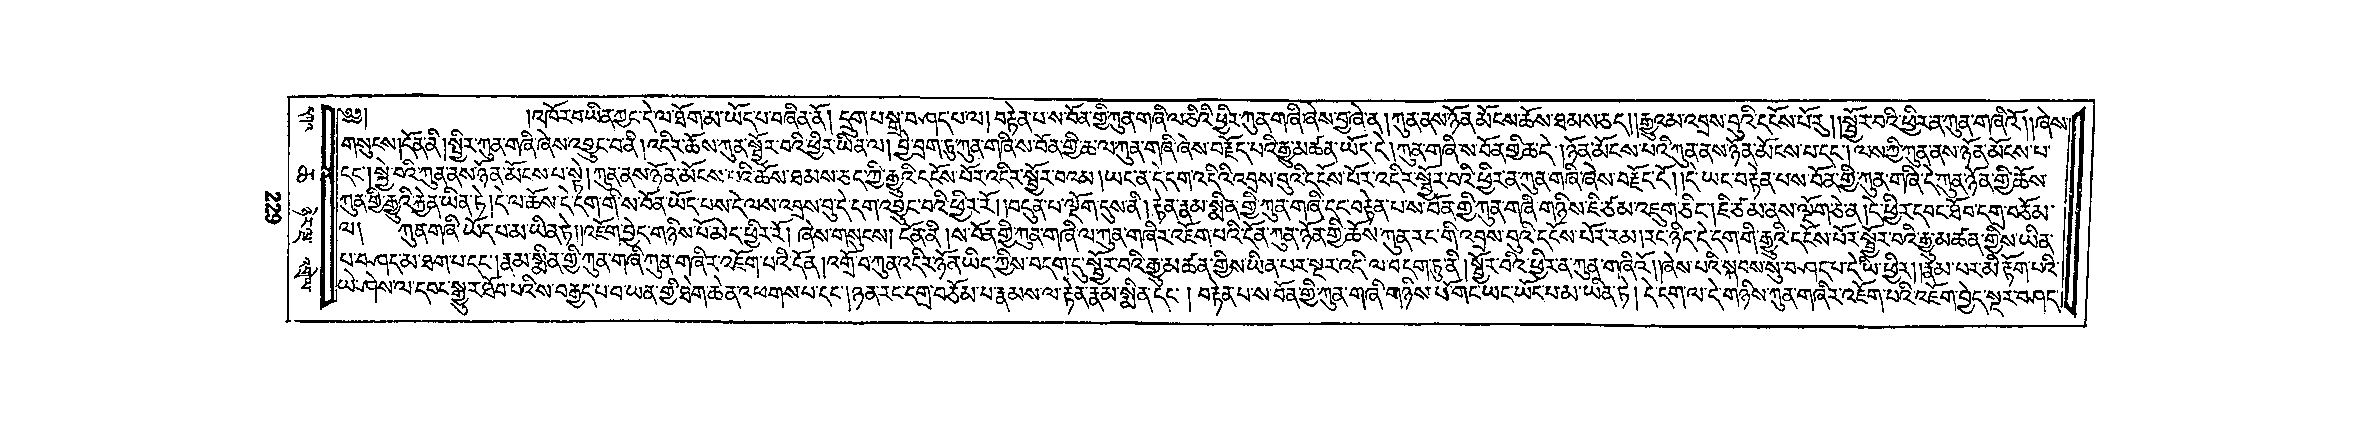༄༅། །འཁོར་བ་ཡིན་ཀྱང་དེ་ལ་ཐོག་མ་ཡོད་པ་བཞིན་ནོ། དྲུག་པ་སྒྲ་བཤད་པ་ལ། བརྟེན་པ་ས་བོན་གྱི་ཀུན་གཞི་ལ་ཅིའི་ཕྱིར་ཀུན་གཞི་ཞེས་བྱ་ཞེ་ན། ཀུན་ནས་ཉོན་མོངས་ཆོས་ཐམས་ཅད། །རྒྱུའམ་འབྲས་བུའི་དངོས་པོ་རུ། །སྦྱོར་བའི་ཕྱིར་ན་ཀུན་གཞིའོ། །ཞེས་
གསུངས། དོན་ནི། སྤྱིར་ཀུན་གཞི་ཞེས་འབྱུང་བ་ནི། འདིར་ཆོས་ཀུན་སྦྱོར་བའི་ཕྱིར་ཡིན་ལ། བྱེ་བྲག་ཏུ་ཀུན་གཞི་ས་བོན་གྱི་ཆ་ལ་ཀུན་གཞི་ཞེས་བརྗོད་པའི་རྒྱུ་མཚན་ཡོད་དེ། ཀུན་གཞི་ས་བོན་གྱི་ཆ་དེ། ཉོན་མོངས་པའི་ཀུན་ནས་ཉོན་མོངས་པ་དང་། ལས་ཀྱི་ཀུན་ནས་ཉོན་མོངས་པ་
དང་། སྐྱེ་བའི་ཀུན་ནས་ཉོན་མོངས་པ་སྟེ། ཀུན་ནས་ཉོན་མོངས་པའི་ཆོས་ཐམས་ཅད་ཀྱི་རྒྱུའི་དངོས་པོར་འདིར་སྦྱོར་བའམ། ཡང་ན་དེ་དག་འདིའི་འབྲས་བུའི་དངོས་པོར་འདིར་སྦྱོར་བའི་ཕྱིར་ན་ཀུན་གཞི་ཞེས་བརྗོད་དོ། །དེ་ཡང་བརྟེན་པས་ས་བོན་ཀྱི་ཀུན་གཞི་དེ་ཀུན་ཉོན་གྱི་ཆོས་
ཀུན་གྱི་རྒྱུའི་རྐྱེན་ཡིན་ཏེ། དེ་ལ་ཆོས་དེ་དག་གི་ས་བོན་ཡོད་པས་དེ་ལས་འབྲས་བུ་དེ་དག་འབྱུང་བའི་ཕྱིར་རོ། །བདུན་པ་ལྡོག་དུས་ནི། རྟེན་རྣམ་སྨིན་གྱི་ཀུན་གཞི་དང་བརྟེན་པ་ས་བོན་གྱི་ཀུན་གཞི་གཉིས་ཇི་ཙམ་འཇུག་ཅིང་། ཇི་ཙམ་ནས་ལྡོག་ཅེ་ན། དེ་ཕྱིར་དབང་ཐོབ་དགྲ་བཅོམ་
ལ། ཀུན་གཞི་ཡོད་པ་མ་ཡིན་ཏེ། །འཇོག་བྱེད་གཉིས་པོ་མེད་ཕྱིར་རོ། ཞེས་གསུངས། དོན་ནི། ས་བོན་གྱི་ཀུན་གཞི་ལ་ཀུན་གཞིར་འཇོག་པའི་དོན་ཀུན་ཉོན་གྱི་ཆོས་ཀུན་རང་གི་འབྲས་བུའི་དངོས་པོར་རམ། རང་ཉིད་དེ་དག་གི་རྒྱུའི་དངོས་པོར་སྦྱོར་བའི་རྒྱུ་མཚན་གྱིས་ཡིན་
པ་བཤད་མ་ཐག་པ་དང་། རྣམ་སྨིན་གྱི་ཀུན་གཞི་ཀུན་གཞིར་འཇོག་པའི་དོན། འགྲོ་བ་ཀུན་འདིར་ཉོན་ཡིད་ཀྱིས་བདག་དུ་སྦྱོར་བའི་རྒྱུ་མཚན་གྱིས་ཡིན་པར་སྔར་འདི་ལ་བདག་ཏུ་ནི། སྦྱོར་བའི་ཕྱིར་ན་ཀུན་གཞིའོ། །ཞེས་པའི་སྐབས་སུ་བཤད་པ་དེ་ཡི་ཕྱིར། །རྣམ་པར་མི་རྟོག་པའི་
ཡེ་ཤེས་ལ་དབང་སྒྱུར་ཐོབ་པའི་ས་བརྒྱད་པ་བ་ཡན་གྱི་ཐེག་ཆེན་འཕགས་པ་དང་། ཉན་རང་དགྲ་བཅོམ་པ་རྣམས་ལ་རྟེན་རྣམ་སྨིན་དང་། བརྟེན་པ་ས་བོན་གྱི་ཀུན་གཞི་གཉིས་པོ་གང་ཡང་ཡོད་པ་མ་ཡིན་ཏེ། དེ་དག་ལ་དེ་གཉིས་ཀུན་གཞིར་འཇོག་པའི་འཇོག་བྱེད་སྔར་བཤད་